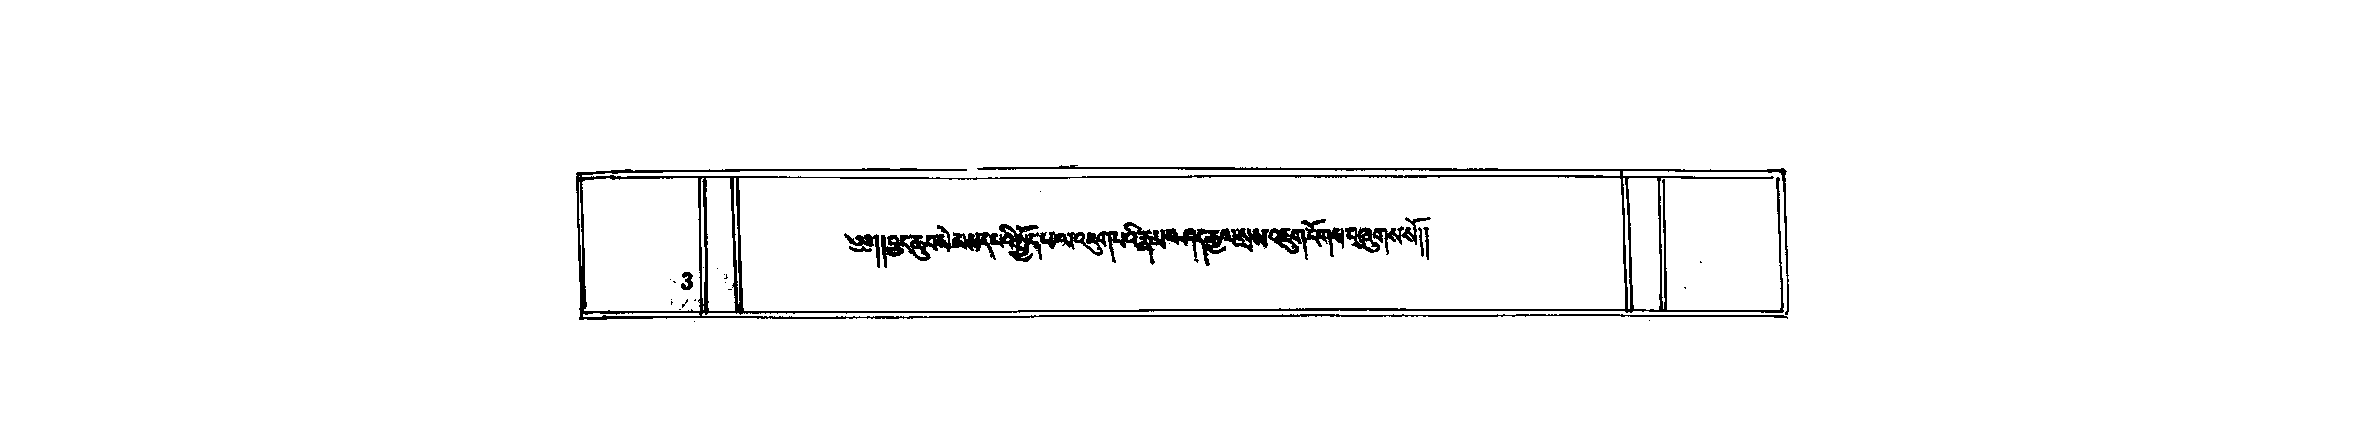༄༅། །བྱང་ཆུབ་སེམས་དཔའི་སྤྱོད་པ་ལ་འཇུག་པའི་རྣམ་བཤད་རྒྱལ་སྲས་འཇུག་ངོགས་བཞུགས་སོ། །